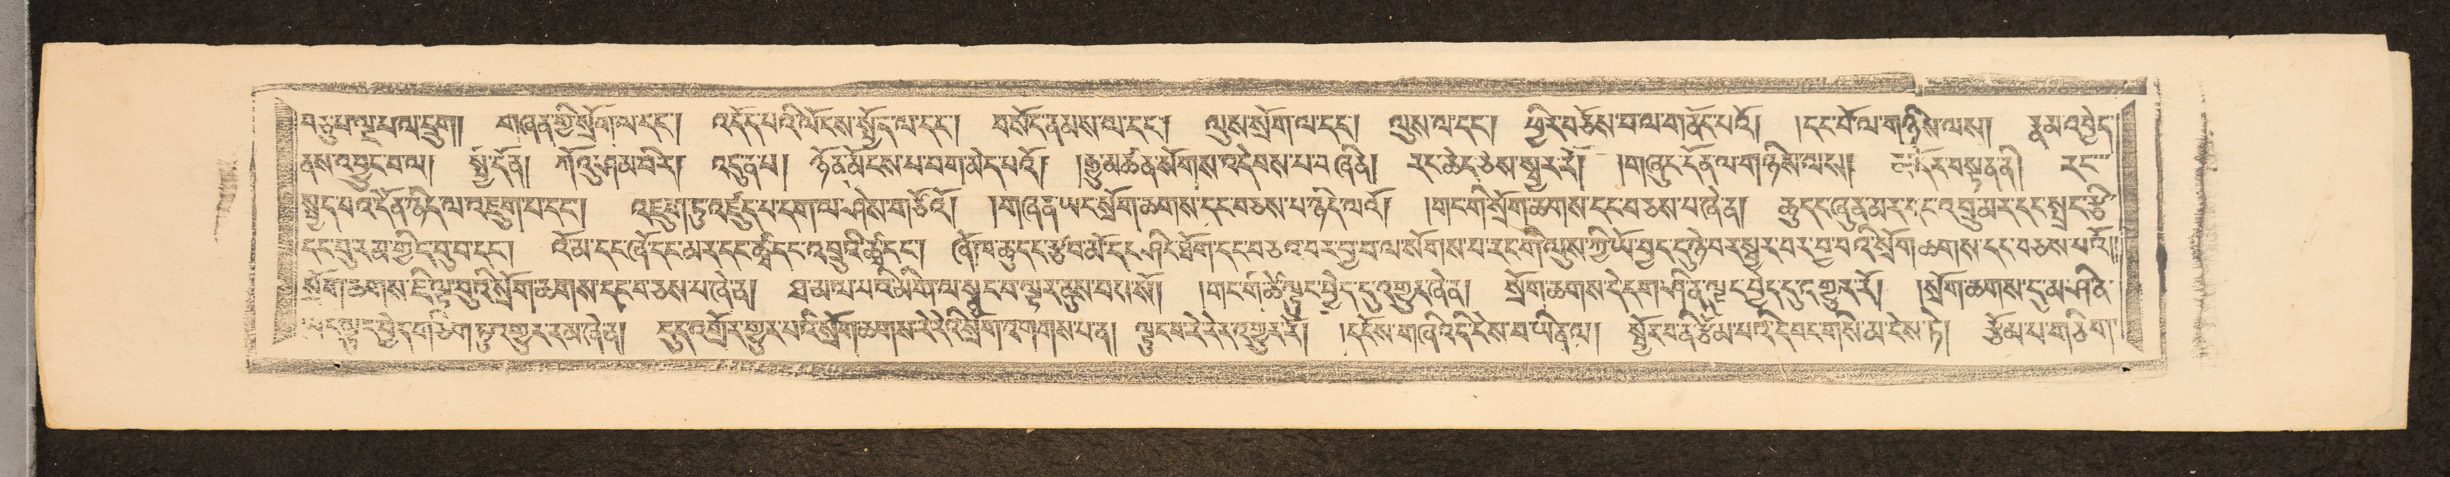བཅུ་པ་ལྔ་པ་ལ་དྲུག། གཞན་གྱི་སྲོག་ལ་དང་། འདོད་པའི་ལོངས་སྤྱོད་ལ་དང་། བསོད་ནམས་ལ་དང་། ལུས་སྲོག་ལ་དང་། ལུས་ལ་དང་། ཕྱིར་བཅོས་པ་ལ་གནོད་པའོ། །དང་པོ་ལ་གཉིས་ལས། རྣམ་འབྱེད་
ནས་འབྱུང་བ་ལ། སྤྱི་དོན། ཀོའུ་ཤམ་བིར། འདུན་པ། ཉོན་མོངས་པ་བག་མེད་པའོ། །རྒྱུ་མཚན་སོགས་འདེབས་པ་བཞིན། རང་ཆེད་ཅེས་སྦྱར་རོ། །གཞུང་དོན་ལ་གཉིས་ལས། མདོར་བསྟན་ནི། རང་
སྤྱད་པའི་དོན་ཉིད་ལ་འཇུག་པ་དང་། འཇུག་ཏུ་འཛུད་པ་དག་ལ་ཤེས་གཙོའོ། །གཞན་ཡང་སྲོག་ཆགས་དང་བཅས་པ་ཉིད་ལའོ། །གང་གི་སྲོག་ཆགས་དང་བཅས་པ་ཞེ་ན། ཆུ་དང་ཞུན་མར་དང་འབྲུ་མར་ངང་སྦྲང་རྩི་
དང་བུ་རམ་གྱི་དབུ་བ་དང་། འོ་མ་དང་ཞོ་དང་མར་དང་ཚྭ་དང་འབྲུའི་ཚྭ་དང་། ཞོ་ཁ་ཆུ་དང་རྩབ་མོ་དང་ཤིང་ཐོག་དང་བཅའ་བར་བྱ་བ་ལ་སོགས་བ་རང་གི་ལུས་ཀྱི་ཡོ་བྱད་དུ་ཉེ་བར་སྦྱར་བར་བྱ་བའི་སྲོག་ཆགས་དང་བཅས་པའོ།།
སྲོག་ཆགས་ཇི་ལྟ་བུའི་སྲོག་ཆགས་དང་བཅས་པ་ཞེ་ན། ཐ་མལ་པའི་མིག་ལ་སྣང་བ་ལྟར་ནུས་པས་སོ། །གང་གི་ཚེ་ལྟུང་བྱེད་དུ་འགྱུར་ཞེ་ན། སྲོག་ཆགས་དེ་དག་ཤི་ན་ལྟུང་བྱེད་དུ་འགྱུར་རོ། །སྲོག་ཆགས་དུ་མ་ཤི་ན་
ཡང་ལྟུང་བྱེད་གཅིག་ཏུ་འགྱུར་རམ་ཞེ་ན། དུད་འགྲོར་གྱུར་པའི་སྲོག་ཆགས་རེ་རེའི་སྲོག་འགགས་བ་ན། ལྟུང་བ་རེ་རེར་འགྱུར་རོ། །དངོས་གཞི་འདི་ངེས་པ་ཡིན་ལ། སྦྱོར་བ་ནི་རྩོམ་པའི་དབང་གིས་མ་ངེས་ཏེ། རྩོམ་པ་གཅིག་